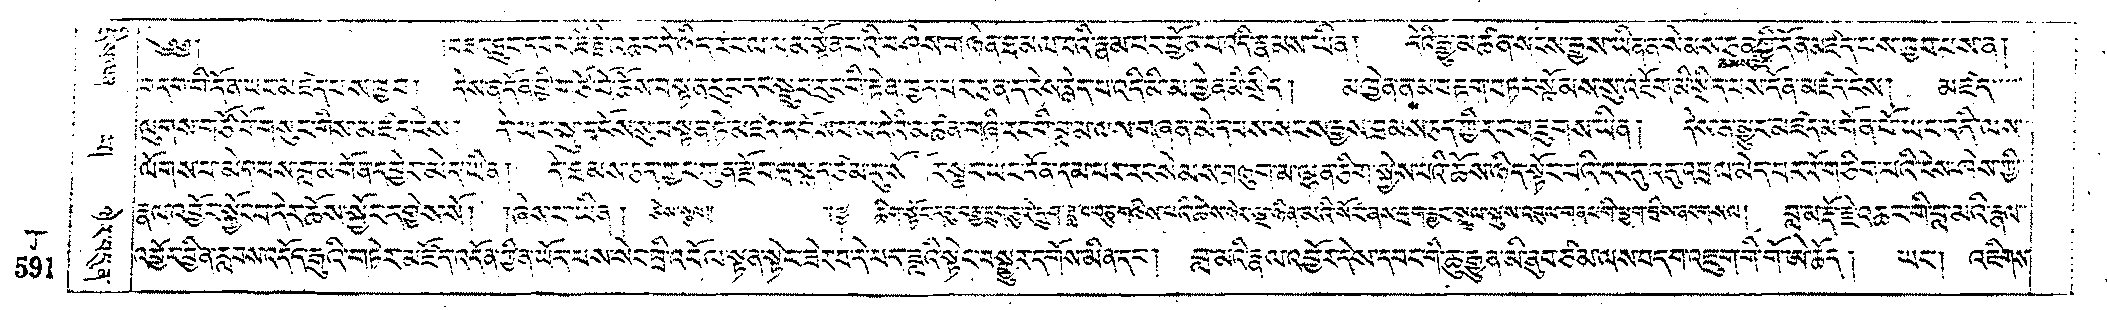༄༅། །བཟང་ཐུབ་དབང་རྡོ་རྗེ་འཆང་དེ་ཉིད་རང་ལ་ལམ་སྟོན་པའི་བཤེས་གཉེན་ཐ་མལ་བའི་རྣམ་པར་བྱོན་པ་འདི་རྣམས་ཡིན། དེའི་རྒྱུ་མཚན་སངས་རྒྱས་ཡིན་ན་སེམས་ཅན་ཐམས་ཅད་ཀྱི་དོན་མཛད་པས་ཁྱབ་པས་ན།
བདག་གི་དོན་ཡང་མཛད་པས་ཁྱབ། །དེས་ན་དོན་གྱི་གཙོ་བོ་ཆོས་བསྟན་རུང་དང་སྒྲུབ་རུང་གི་རྟེན་ཁྱད་པར་ཅན་ད་རེས་རྙེད་པ་འདི་མི་མཁྱེན་མི་སྲིད། མཁྱེན་ན་མ་བརྟག་བཏང་སྙོམས་སུ་འཇོག་མི་སྲིད་པས་དོན་མཛད་ངེས། མཛད་་་
ལུགས་གཙོ་བོ་གསུང་གིས་མཛད་ངེས། དེ་ཡང་སྐུ་དངོས་སུ་བསྟན་ཏེ་མཛད་དགོས་པ་ལ་དེའི་མཚན་གཞི་རང་གི་བླ་མ་ལས་གཞན་མེད་པས་སངས་རྒྱས་ཐམས་ཅད་ཀྱི་རང་གཟུགས་ཡིན། དེས་ན་མྱུར་མཛད་མགོན་པོ་ཡང་འདི་ལས་
ལོགས་པ་མེད་པས་བླ་མགོན་དབྱེར་མེད་ཡིན། དེ་ཐམས་ཅད་ཀྱང་ཀུན་རྫོབ་ཐ་སྙད་ཙམ་དུ་སོ་སོར་སྣང་ཡང་དོན་དམ་པར་རང་སེམས་གཉུག་མ་ལྷན་ཅིག་སྐྱེས་པའི་ཆོས་ཉིད་སྟོང་པའི་ངང་དུ་འདུ་འབྲལ་མེད་པར་རོ་གཅིག་པའི་ངེས་ཤེས་ཀྱི་་་
རྣལ་འབྱོར་སྐྱོང་བ་དེར་ཆོས་སྐྱོང་དགྱེས་སོ། །ཞེས་པ་ཡིན། ཅེས་སྩལ།།  །།འ་ཆིག་སྟོང་དགུ་བརྒྱ་དྲུག་ཅུ་རེ་དྲུག་ཟླ་བ་བཅུ་གཉིས་པའི་ཚེས་ཉེར་ལྔ་ཉིན་མའི་སོར་ནས་བྲག་རྒྱབ་སྤྲུལ་སྐུས་འབུལ་གནང་གི་ཕྱག་བྲིས་ནང་གསལ། བླ་མ་རྡོ་རྗེ་འཆང་གི་བླ་མའི་རྣལ་་་
འབྱོར་བྱིན་རླབས་འདོད་རྒུའི་གཏེར་མཛོད་འདོན་ཀྱིན་ཡོད་པས་སེང་ཁྲི་འབོལ་སྟན་སྟེང་ཟེར་བ་དེ་པད་ཟླའི་སྟེང་བསྒྱུར་དགོས་མིན་དང་། བླ་མའི་རྣལ་འབྱོར་དེས་དབང་གི་ཆུ་རྒྱུན་མི་ནུབ་ཙམ་ལས་བདག་འཇུག་གི་གོ་ཨེ་ཆོད། ཡང་། འཇིགས་